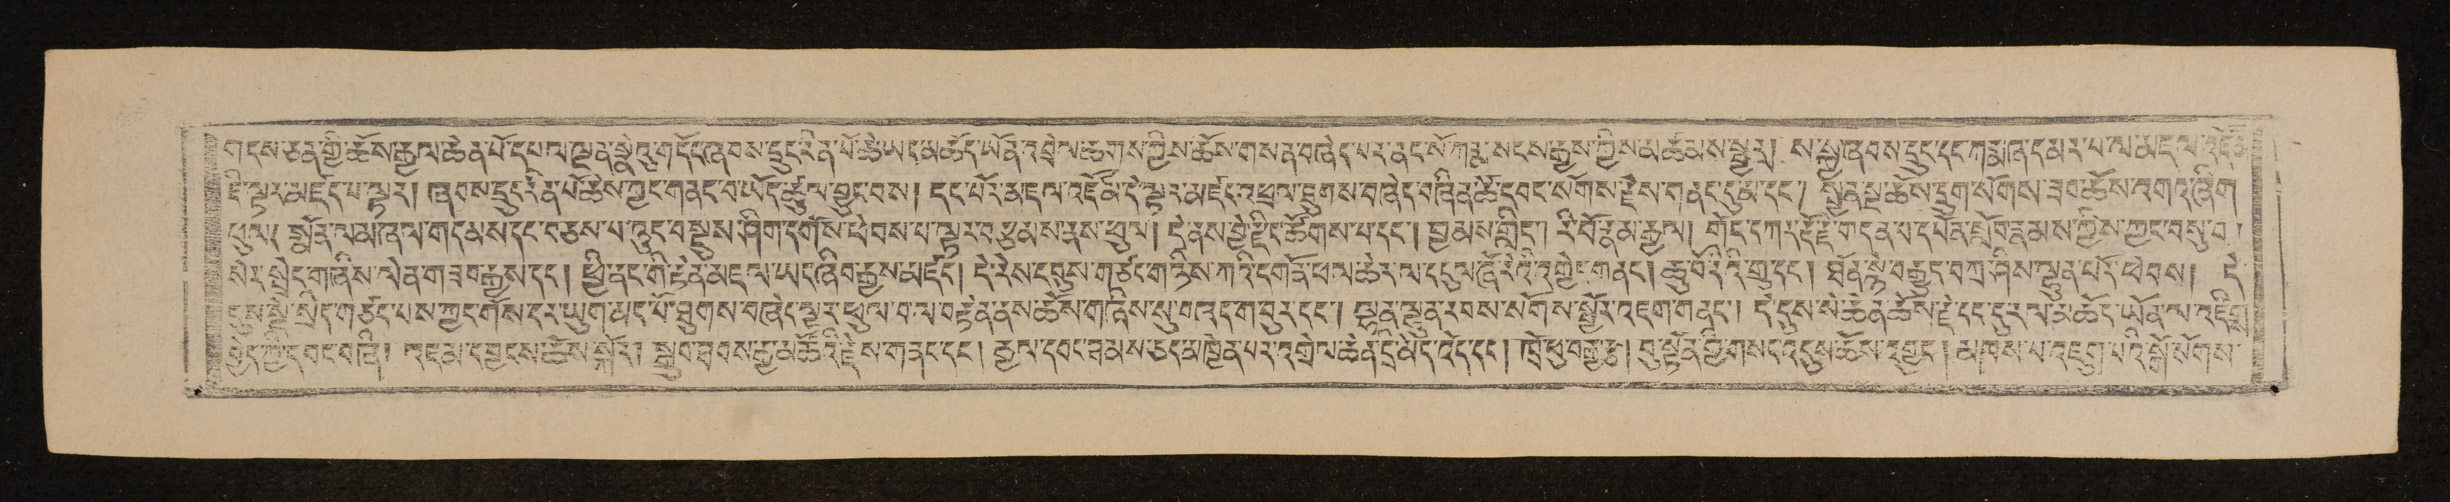གངས་ཅན་གྱི་ཆོས་རྒྱལ་ཆེན་པོ་དཔལ་ལྡན་སྣེའུ་གདོང་ཞབས་དྲུང་རིན་པོ་ཆེ་ཡང་མཆོད་ཡོན་འབྲེལ་ཆགས་ཀྱིས་ཆོས་གསན་བཞེད་པར་ནང་སོ་ཀརྨ་སངས་རྒྱས་ཀྱིས་མཚམས་སྦྱར། ས་སྐྱ་ཞབས་དྲུང་དང་ཀརྨ་ཞ་དམར་པ་ལ་མཇལ་འཛོམ་
ཇི་ལྟར་མཛད་པ་ལྟར། ཞབས་དྲུང་རིན་པོ་ཆེས་ཀྱང་གནང་བ་ཡོད་ཚུལ་བྱུང་བས། དང་པོར་མཇལ་འཛོམ་དེ་ལྟར་མཛད་འཕྲལ་ཐུགས་བཞེད་བཞིན་ཚེ་དབང་སོགས་རྗེས་གནང་དུ་མ་དང་། སྤྱན་སྔ་ཆོས་དྲུག་སོགས་ཟབ་ཆོས་འགའ་ཞིག་
ཕུལ༑ སྨོན་ལམ་ཞལ་གདམས་དང་བཅས་པ་ཉུང་བསྡུས་ཤིག་དགོས་ཕེབས་པ་ལྟར་བརྩམས་ནས་ཕུལ། དེ་ནས་བྱེ་རྫིང་ཚོགས་པ་དང་། བྱམས་གླིང་། རི་བོ་རྣམ་རྒྱལ། གོང་དཀར་རྡོ་རྗེ་གདན་པ་དཔོན་སློབ་རྣམས་ཀྱིས་ཀྱང་བསུ་བ་
སེར་སྦྲེང་གཞིས་ལེན་གཟབ་རྒྱས་དང་། ཕྱི་ནང་གི་རྟེན་མཇལ་ཡང་ཞིབ་རྒྱས་མཛད། དེ་རེས་དབུས་གཙང་གཉིས་ཀའི་དགོན་ཕལ་ཆེར་ལ་དངུལ་ཞོ་རེའི་འགྱེད་གནང་། ཆུ་བོ་རིའི་གྲུ་དང་། ཐོན་སྙེ་བརྒྱུད་བཀྲ་ཤིས་ལྷུན་པོར་ཕེབས། དེ་
དུས་སྡེ་སྲིད་གཙང་པས་ཀྱང་གོས་དར་ཡུག་མང་པོ་ཐུགས་བཞེད་ལྟར་ཕུལ་པ་ལ་བརྟེན་ནས་ཆོས་གཞིས་སུ་བཞད་ག་བུར་དང་། ལྷན་ལྷུན་རབས་སོགས་སྦྱོར་འཇག་གནང་། དེ་དུས་སེ་ཆེན་ཆོས་རྗེ་དང་དུ་རལ་མཆོད་ཡོན་ལ་འཇིགས་
བྱེད་ཀྱི་དབང་བཞི། འཇམ་དབྱངས་ཆོས་སྐོར། སྒྲུབ་ཐབས་རྒྱ་མཚོའི་རྗེས་གནང་དང་། རྒྱལ་དབང་ཐམས་ཅད་མཁྱེན་པར་འགྲེལ་ཆེན་དྲི་མེད་འོད་དང་། ཁྲོ་ཕུ་བརྒྱ་རྩ། བུ་སྟོན་གྱི་གསང་འདུས་ཆོས་འབྱུང་། མཁས་པ་འཇུག་པའི་སྒོ་སོགས་